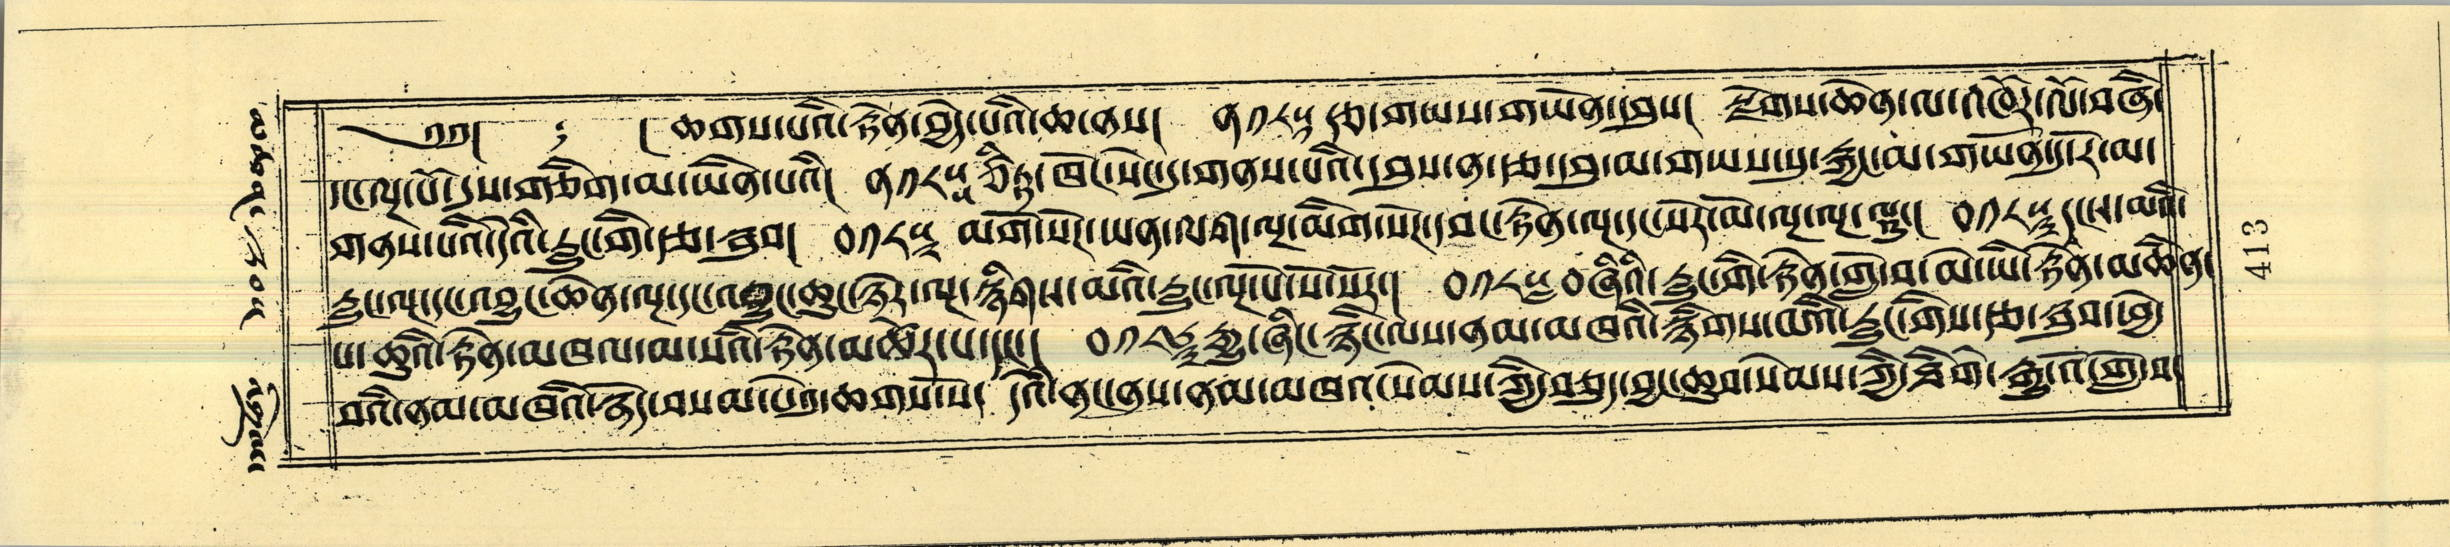ཆགས་པའི་རྟེན་བྱེད་པའི་ཆ་ནས་ན༡༨༥།༡༼རྩ༽གཡས་གཡོན་དབུས་རྫོགས་ཆེན་ལ་༼འཁོར་ལོ༽བཞི་
དང་ ༼ལྔ་པོ༽དུས་གཅིག་མ་ཡིན་པའི་ན༡༨༥།༥༼ཙིརྟ༽ཁོང་སེང་དུ་གནས་པའི་དབུས་ན་རྩ་དབུ་མ་གཡས་སུ་རྐྱང་མ་གཡོན་དུ་རོ་མ་
གནས་པའི་དེའི་རླུང་གི་རྩ་སྦུབས་བ༡༨༥།༢མགོ་སོགས་༼ཡན་ལག་༽ལྔ་མིག་སོགས་དབང་རྟེན་ལྔ་དང་སོར་མོ་ལྔ་ལྔ་ལྟ་བུ་བ༡༨༥།༣༼དྭངས་མའི 
རླུང་ལྔ་དང་འབྱུང་ཆེན་ལྔ་དང་འབྱུང་ཆུང་ཉེར་ལྔ་༼སྙིགས་མའི༽རླུང་ལྔ་པོ་སོ་སོར་བ༡༨༥།༤༼བཞིའི༽རླུང་གི་རྟེན་གློ་བ་མེ་ཡི་རྟེན་མཆིན་
པ་ཆུ་ཡི་རྟེན་མཁལ་མ་སའི་རྟེན་མཚེར་པ་དང་། བ༡༨༦།༣༼རྒྱུ་ཞིང་༽སྙིང་ལས་ནམ་མཁའི་སྙིགས་མའི་རླུང་གིས་རྩ་སྦུབས་ཕྱེ་
བའི་ནམ་མཁའི་སྣོད་བསམ་བསེའུ་ཆགས་སོ། དེའི་ནང་ནས་ནམ་མཁའ་སེམས་ཀྱི་བཅུད་བྱང་ཆུབ་སེམས་ཀྱི་ཐིག་ལེ་རྒྱུའོ། གློ་བ་